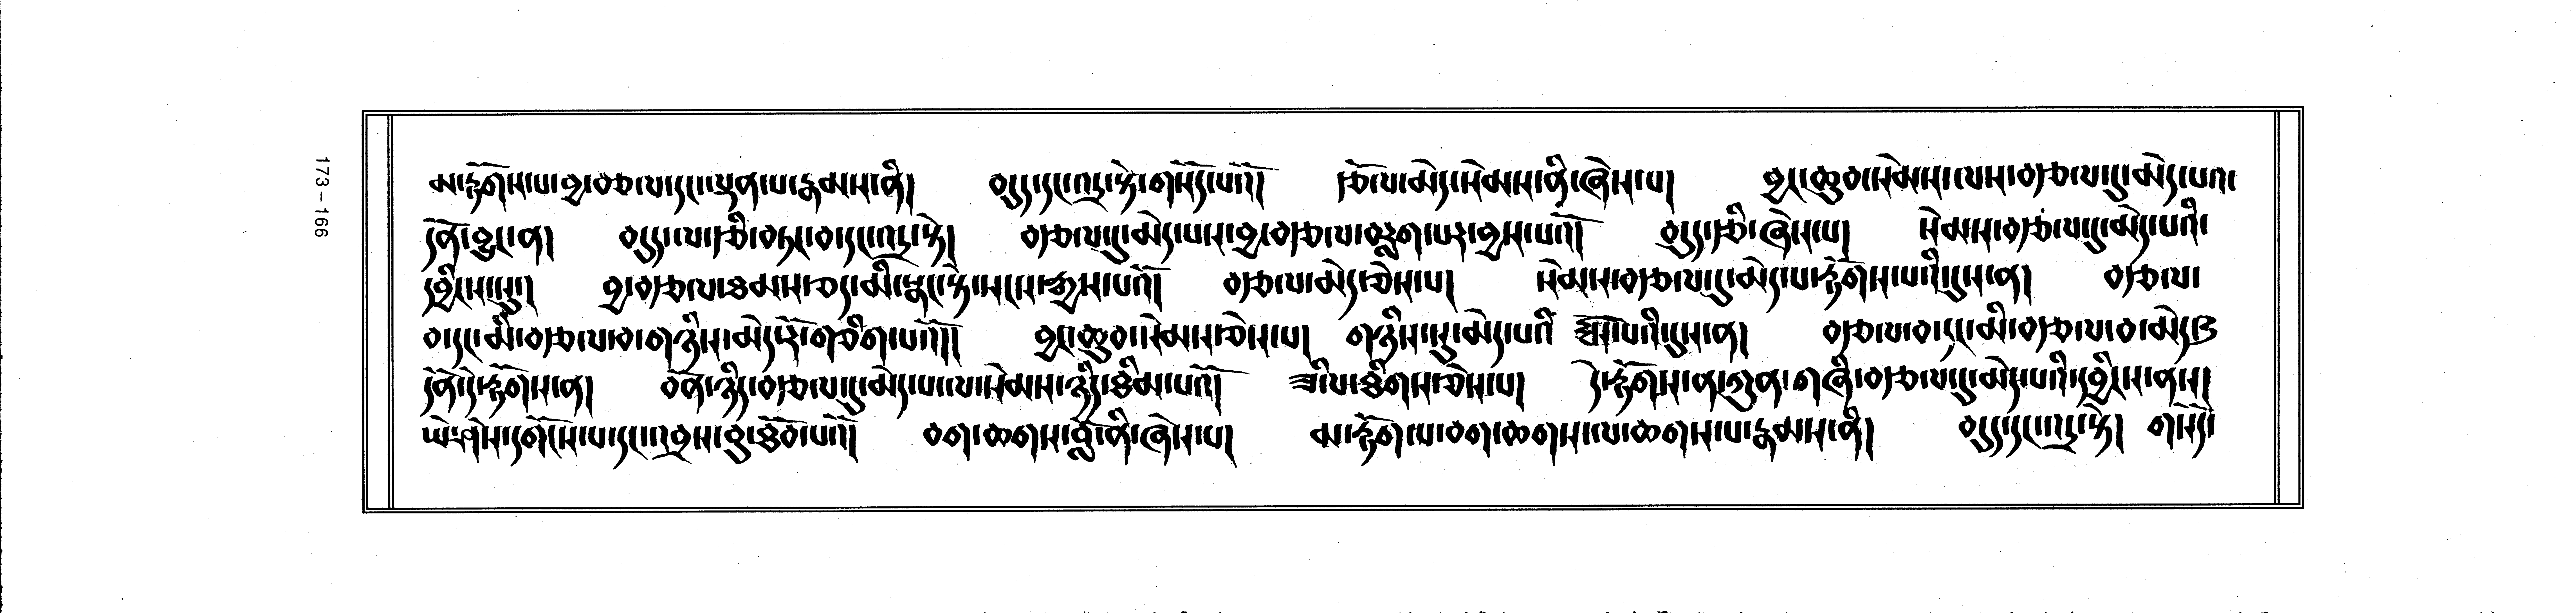མ་རྟོགས་པ་བྱ་བརྩལ་དང་ལྡན་པ་རྣམས་ནི། བདུད་དང་འདྲ་སྟེ་གསོད་པའོ། །རྩོལ་མེད་སེམས་ནི་ཞེས་པ། བྱང་ཆུབ་སེམས་ལས་བརྩལ་དུ་མེད་པའི་
དོན་བྱུང་ན། བདུད་ལ་རྩི་བཏང་བ་དང་འདྲ་སྟེ། བརྩལ་དུ་མེད་པས་བྱ་བརྩལ་བརླག་པར་བྱས་པ་ལ་བྱའོ། །བདུད་རྩི་ཞེས་པ། བྱང་ཆུབ་ཀྱི་སེམས་བརྩལ་དུ་མེད་པའི་
དབྱིངས་སུ་བྱ་བརྩལ་ཐམས་ཅད་མི་སྣང་སྟེ་སངས་རྒྱས་པའོ། །བརྩལ་མེད་ཅེས་པ། སེམས་བརྩལ་དུ་མེད་པ་རྟོགས་པའི་དུས་ན། བརྩལ་
བ་དང་མི་བརྩལ་བ་གཉིས་མེད་རོ་གཅིག་པའོ། །བྱང་ཆུབ་ཀྱི་སེམས་ཅེས་པ་གཉིས་སུ་མེད་པའི་དོན་
དེ་རྟོགས་ན། བོན་ཉིད་བརྩལ་དུ་མེད་པ་ལ་སེམས་ཉིད་ཐིམ་པའོ། །ཟིལ་ཐིགས་ཅེས་པ། དེ་རྟོགས་ན། ཀུན་གཞི་བརྩལ་དུ་མེད་པའི་དབྱིངས་ནས། 
ཡེ་ཤེས་དགོངས་པ་དང་འབྲས་བུ་ཐོབ་པའོ། །བག་ཆགས་བློ་ནི་ཞེས་པ། མ་རྟོགས་པ་བག་ཆགས་ལ་ཆགས་པ་རྣམས་ནི། བདུད་དང་འདྲ་སྟེ། གསོད་